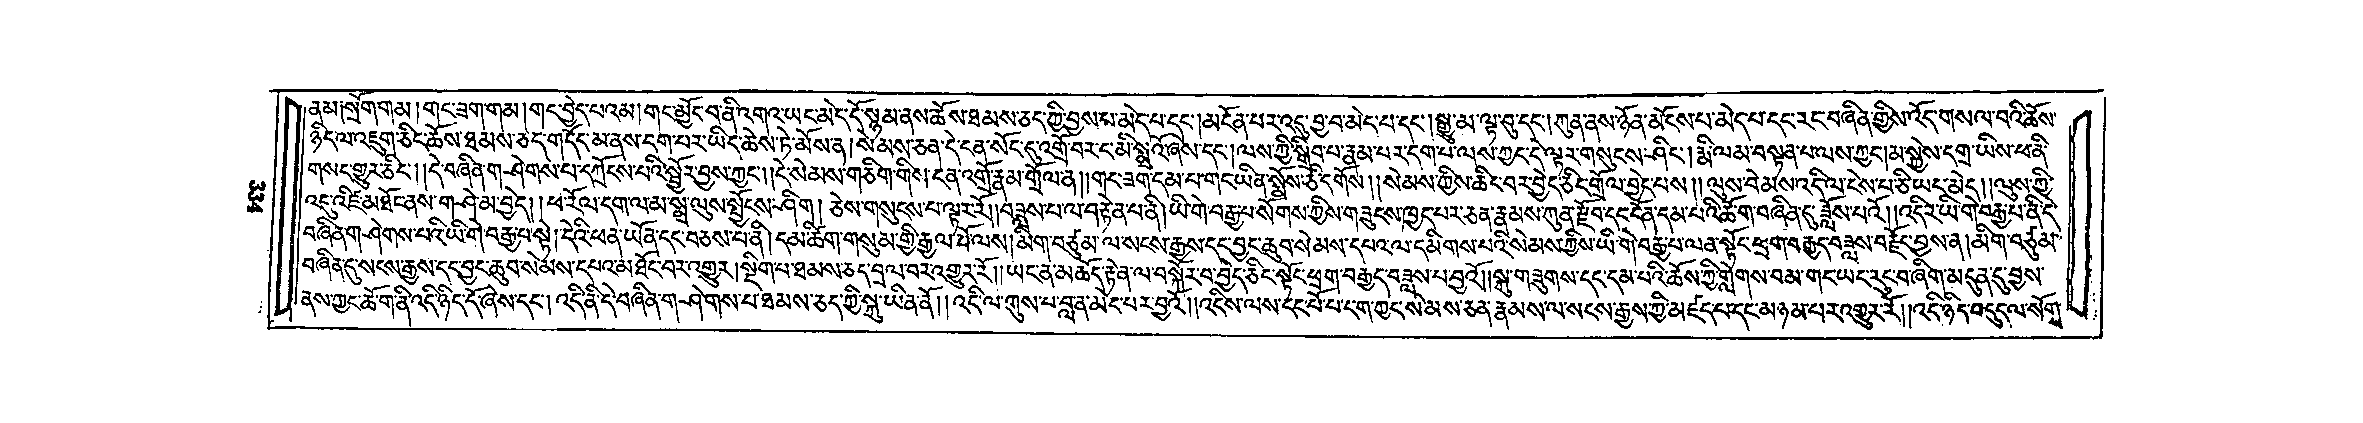ནམ། སྲོག་གམ། གང་ཟག་གམ། གང་བྱེད་པའམ། གང་མྱོང་བ་ནི་འགའ་ཡང་མེད་དོ་སྙམ་ནས་ཆོས་ཐམས་ཅད་ཀྱི་བྱས་པ་མེད་པ་དང་། མངོན་པར་འདུ་བྱ་བ་མེད་པ་དང་། སྒྱུ་མ་ལྟ་བུ་དང་། ཀུན་ནས་ཉོན་མོངས་པ་མེད་པ་དང་རང་བཞིན་གྱིས་འོད་གསལ་བའི་ཆོས་
ཉིད་ལ་འཇུག་ཅིང་ཆོས་ཐམས་ཅད་གདོང་མ་ནས་དག་པར་ཡིད་ཆེས་ཏེ་མོས་ན། སེམས་ཅན་དེ་ངན་སོང་དུ་འགྲོ་བར་ང་མི་སྨྲའོ་ཞེས་དང་། ལས་ཀྱི་སྒྲིབ་པ་རྣམ་པར་དག་པ་ལས་ཀྱང་དེ་ལྟར་གསུངས་ཤིང་། རྨི་ལམ་བསྟན་པ་ལས་ཀྱང་། མ་སྐྱེས་དགྲ་ཡིས་ཕ་ནི་
གསང་གྱུར་ཅིང་། །དེ་བཞིན་གཤེགས་པ་དཀྲོངས་པའི་སྦྱོར་བྱས་ཀྱང་། །དེ་སེམས་གཅིག་གིས་ངན་འགྲོ་རྣམ་གྲོལ་ན། །གང་ཟག་དམ་པ་གང་ཡིན་སྨོས་ཅི་དགོས། །སེམས་ཀྱིས་ཆིང་བར་བྱེད་ཅིང་གྲོལ་བྱེད་པས། །ལུས་བེམས་འདི་ལ་ངེས་པ་ཅི་ཡང་མེད། །ལུས་ཀྱི་
འདུ་འཛི་མཐོང་ནས་གཤེ་མ་བྱེད། །ཕ་རོལ་དག་ལ་མ་སྨྲ་ལུས་སྤྱོངས་ཤིག །ཅེས་གསུངས་པ་ལྟར་རོ། །བཟླས་པ་ལ་བརྟེན་པ་ནི། ཡི་གེ་བརྒྱ་པ་སོགས་ཀྱིས་གཟུངས་ཁྱད་པར་ཅན་རྣམས་ཀུན་རྫོབ་དང་དོན་དམ་པའི་ཆོ་ག་བཞིན་དུ་ཟློས་པའོ། །འདིར་ཡི་གེ་བརྒྱ་པ་ནི་དེ་
བཞིན་གཤེགས་པའི་ཡི་གེ་བརྒྱ་པ་སྟེ། དེའི་ཕན་ཡོན་དང་བཅས་པ་ནི། དམ་ཚིག་གསུམ་གྱི་རྒྱལ་པོ་ལས། མིག་བཙུམ་ལ་སངས་རྒྱས་དང་བྱང་ཆུབ་སེམས་དཔའ་ལ་དམིགས་པའི་སེམས་ཀྱིས་ཡི་གེ་བརྒྱ་པ་ལན་སྟོང་ཕྲག་བརྒྱད་བཟླས་བརྗོད་བྱས་ན། མིག་བཙུམ་
བཞིན་དུ་སངས་རྒྱས་དང་བྱང་ཆུབ་སེམས་དཔའ་མཐོང་བར་འགྱུར། སྡིག་པ་ཐམས་ཅད་བྲལ་བར་འགྱུར་རོ། །ཡང་ན་མཆོད་རྟེན་ལ་བསྐོར་བ་བྱེད་ཅིང་སྟོང་ཕྲག་བརྒྱད་བཟླས་པ་བྱའོ། །སྐུ་གཟུགས་དང་དམ་པའི་ཆོས་ཀྱི་གླེགས་བམ་གང་ཡང་རུང་བ་ཞིག་མདུན་དུ་བྱས་
ནས་ཀྱང་ཆོ་ག་ནི་འདི་ཉིད་དོ་ཞེས་དང་། འདི་ནི་དེ་བཞིན་གཤེགས་པ་ཐམས་ཅད་ཀྱི་སྐུ་ཡིན་ནོ། །འདི་ལ་གུས་པ་བླ་ན་མེད་པར་བྱའོ། །འདིས་ལས་དང་པོ་པ་དག་ཀྱང་སེམས་ཅན་རྣམས་ལ་སངས་རྒྱས་ཀྱི་མཛད་པ་དང་མཉམ་པར་འགྱུར་རོ། །འདི་ཉིད་བདུད་ལ་སོགས་